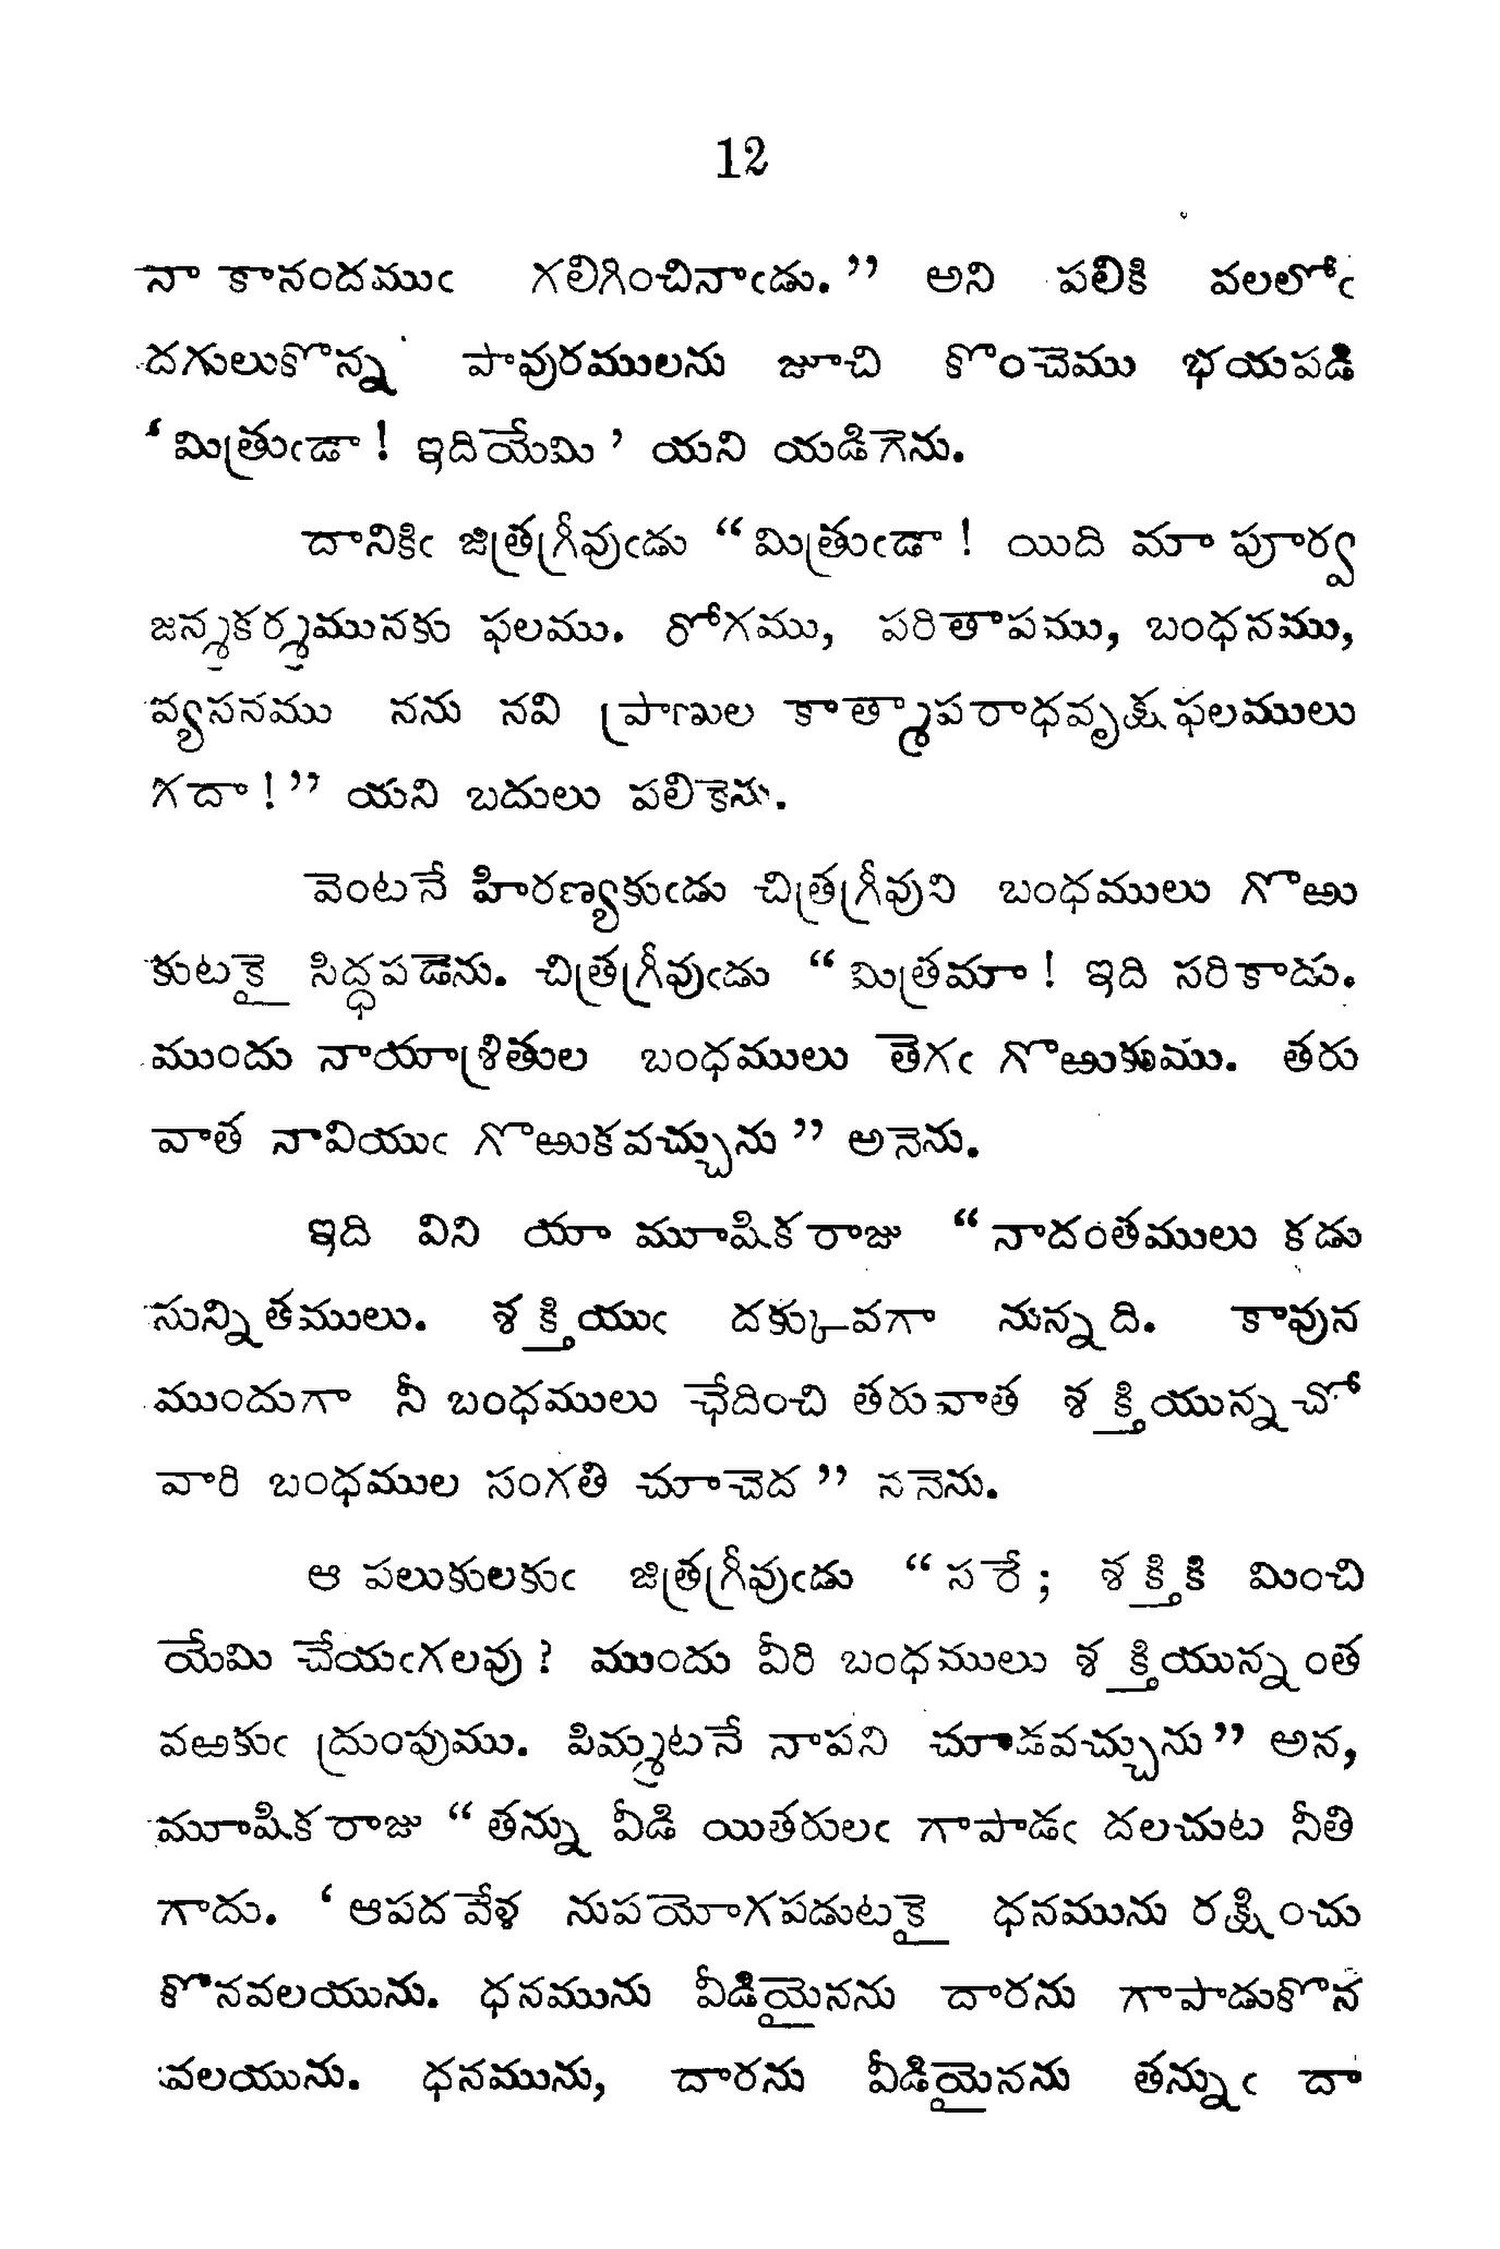నా కానందము గలిగించినాడు." అని పలికి వలలో దగులుకొన్న పావురములను జూచి కొంచెము భయపడి "మిత్రుడా! ఇదియేమె" యని యడిగెను.
 
దానికి జిత్రగ్రీవుడు "మిత్రుడా! యిది మా పూర్వజన్మకర్మమునకు ఫలము, రోగము, పరితాపము, బంధనము, వ్యసనము నను నవి ప్రాణుల కాత్మాపరాధవృక్షఫలములు గదా!" యని బదులు పలికెను.

వెంటనే హిరణ్యకుడు చిత్రగ్రీవుని బంధనములు గొఱుకుటకై సిద్ధపడెను. చిత్రగ్రీవుడు "మిత్రమా! ఇదిసరికాదు. ముందు నాయాశ్రితుల బంధములు తెగ గొఱుకుము. తరువాత నావియు గొఱుకవచ్చును."అనెను.

ఇది విని యా మూషికరాజు "నాదంతములు కడుసున్నితములు. శక్తియు దక్కువగా నున్నది. కావున ముందుగా నీ బంధములు చేదించి తరువాత శక్తియున్నచో వారి బంధముల సంగతి చూచెదా ననెను.

ఆ పలుకులకు జిత్రగ్రీవుడు "సరే; శక్తికి మించి యేమి చేయగలవు? ముందు వీరి బంధములు శక్తియున్నంతవఱకు ద్రుంపుము. పిమ్మటనే నాపని చూడవచ్చును" అన,మూషికరాజు "తన్నువీడి యితరుల గాపాడ దలచుట నీతి గాదు. 'ఆపదవేళ నుపయోగపడుటకై ధనమును రక్షించుకొనవలయును. ధనమును, దారను వీడియైనను తన్ను దా